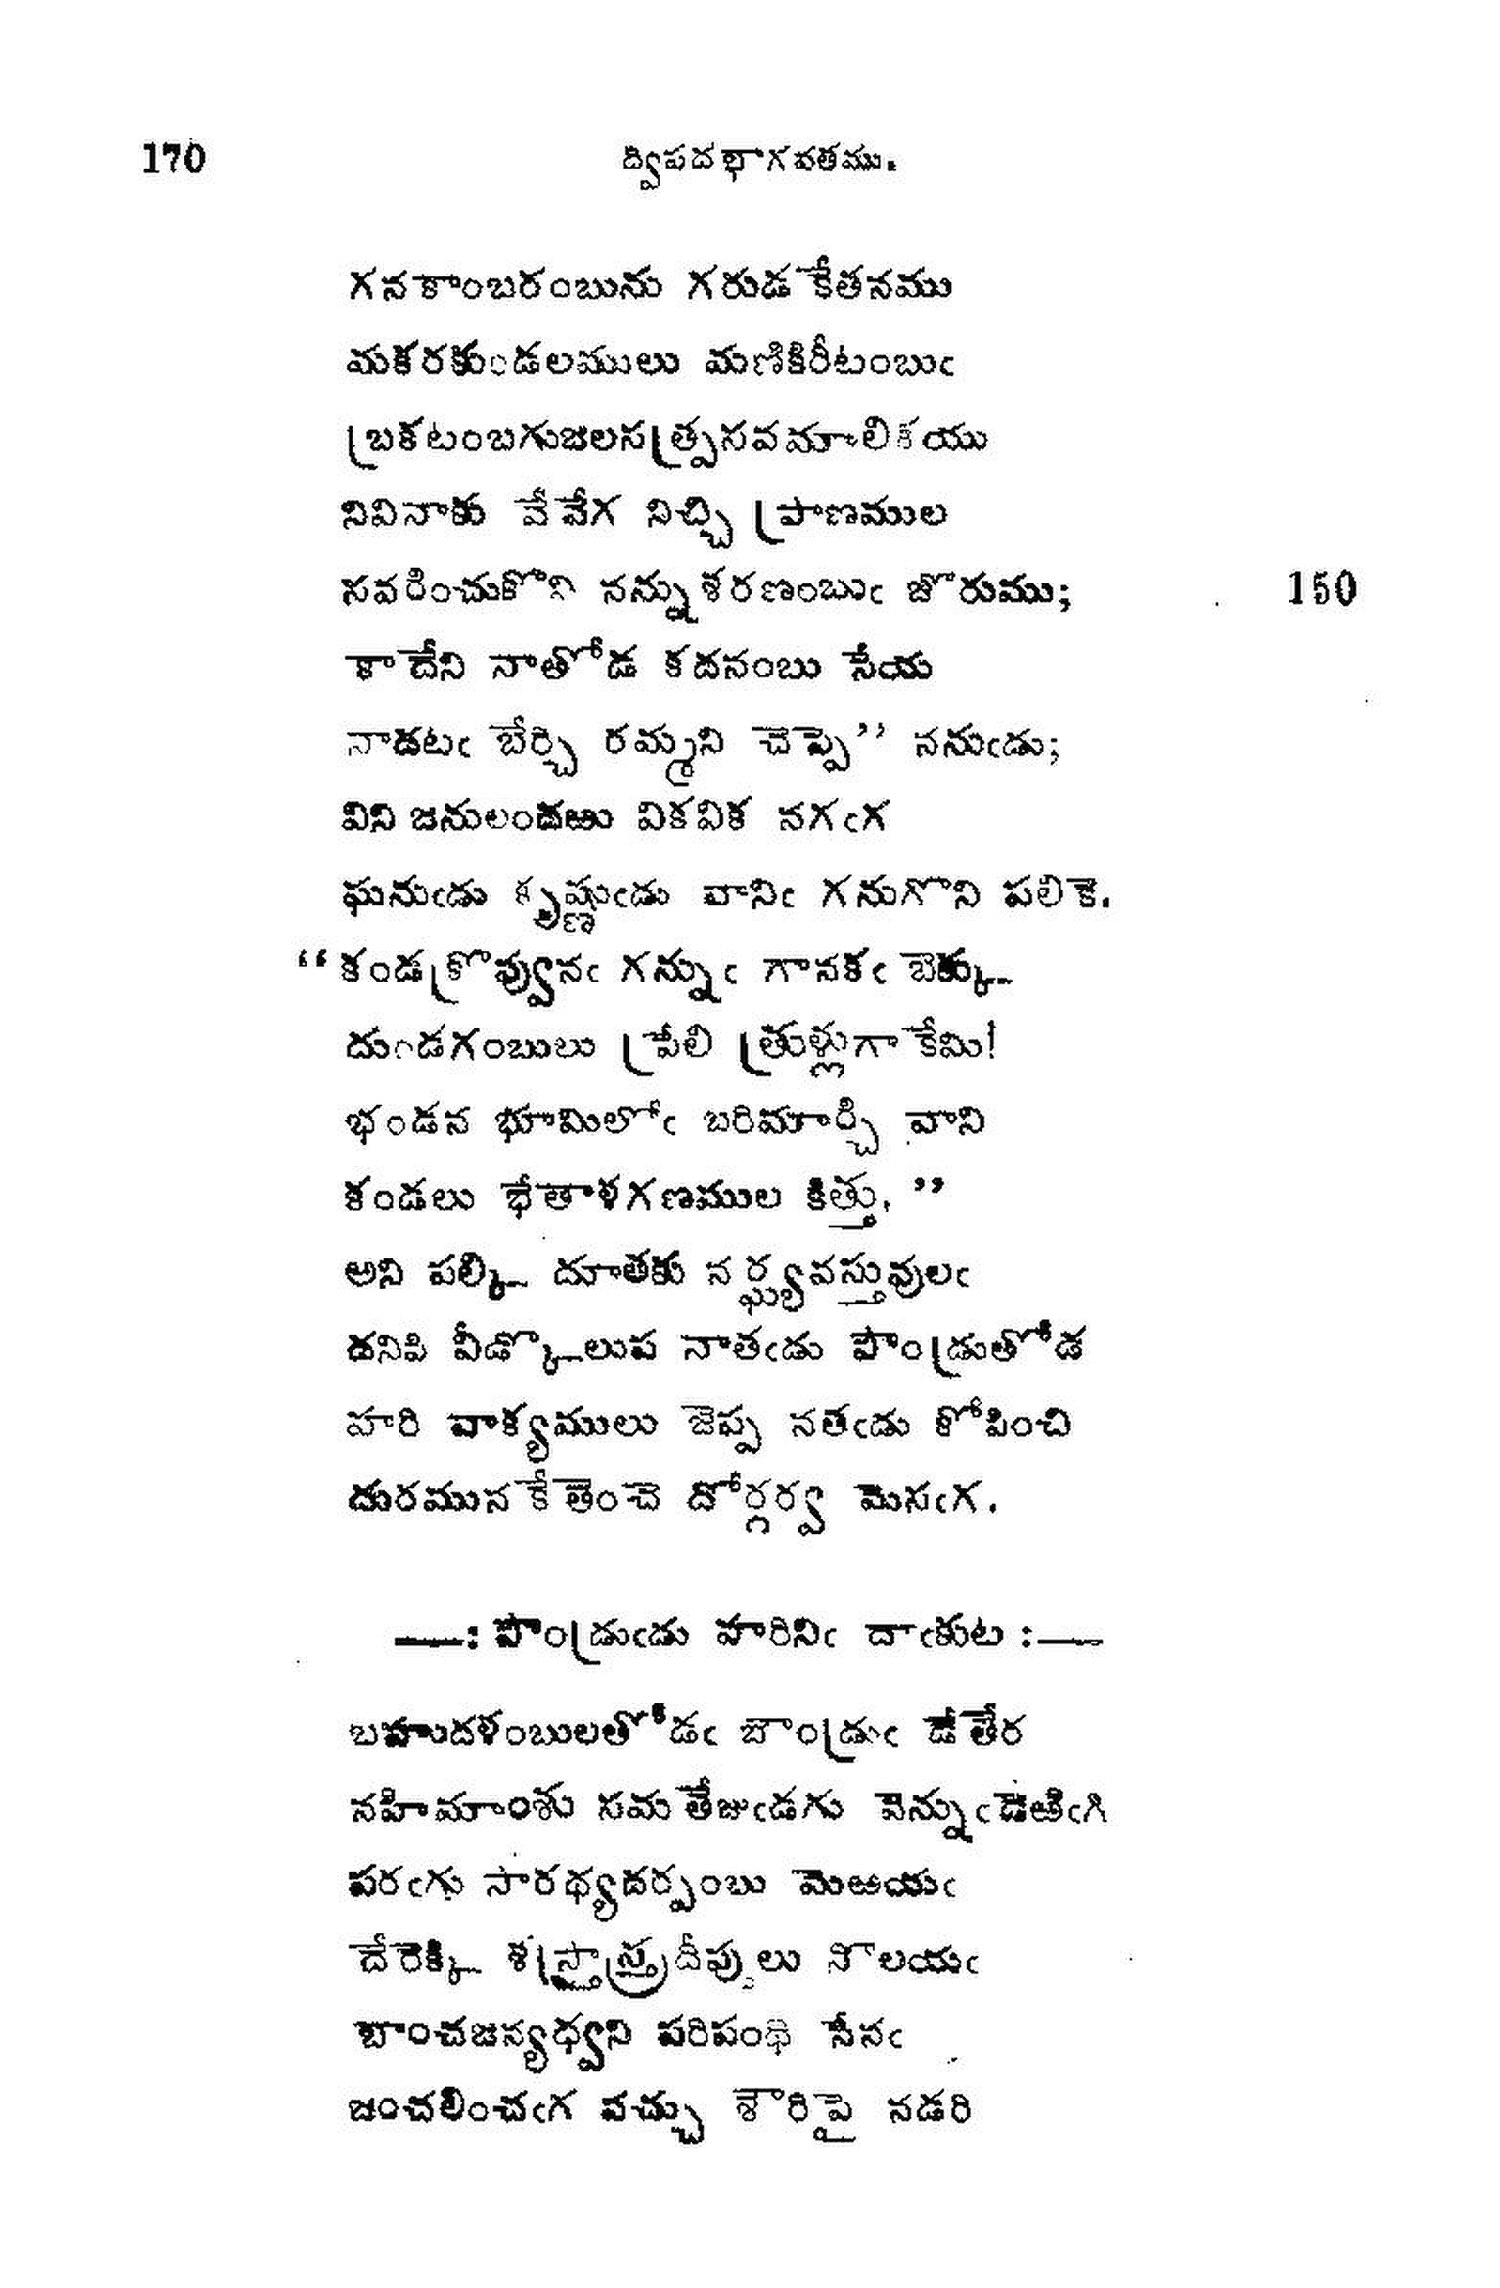గనకాంబరంబును గరుడకేతనము
మకరకుండలములు మణికిరీటంబుఁ 
బ్రకటంబగుజలసత్ప్రసవమాలికయు
నివినాకు వేవేగ నిచ్చి ప్రాణముల
సవరించుకొని నన్ను శరణంబుఁ జొరుము;
కాదేని నాతోడ కదనంబు సేయ
నాదటఁ బేర్చి ర”మ్మ ని చెప్పె” ననుఁడు; 
విని జనులందఱు వికవిక నగఁగ
ఘనుఁడు కృష్ణుఁడు వానిఁ గనుగొని పలికె. 
“కండ క్రొవ్వున గన్ను గానకఁ బెక్కు
దుండగంబులు ప్రేలి త్రుళ్ళుగాకేమి! 
భండనభూమిలోఁ బరిమార్చి వాని
కండలు భేతాళగణముల కిత్తు,” 
అని పల్కి దూతకు నర్ఘ్యవస్తువులఁ
దనిపి వీడ్కోలుప పౌండ్రునితోడ
హరి వాక్యములు జెప్ప నతఁడు కోపించి
దురమున కేతెంచె దోర్గర్వ మెసఁగ. 

బహుదళంబులతోడఁ బౌండ్రుఁ డేతేర
నహిమాంశు సమతేజుఁడగు వెన్నుఁడెఱిఁగి
పరఁగు సారథ్యదర్పంబు మెఱయఁగ
దేరెక్కి శస్త్రాస్త్రదీప్తులు నొలయఁ
బాంచజన్యధ్వని పరిపంథి సేనఁ
జంచలించఁగ వచ్చు శౌరిపై నడరి